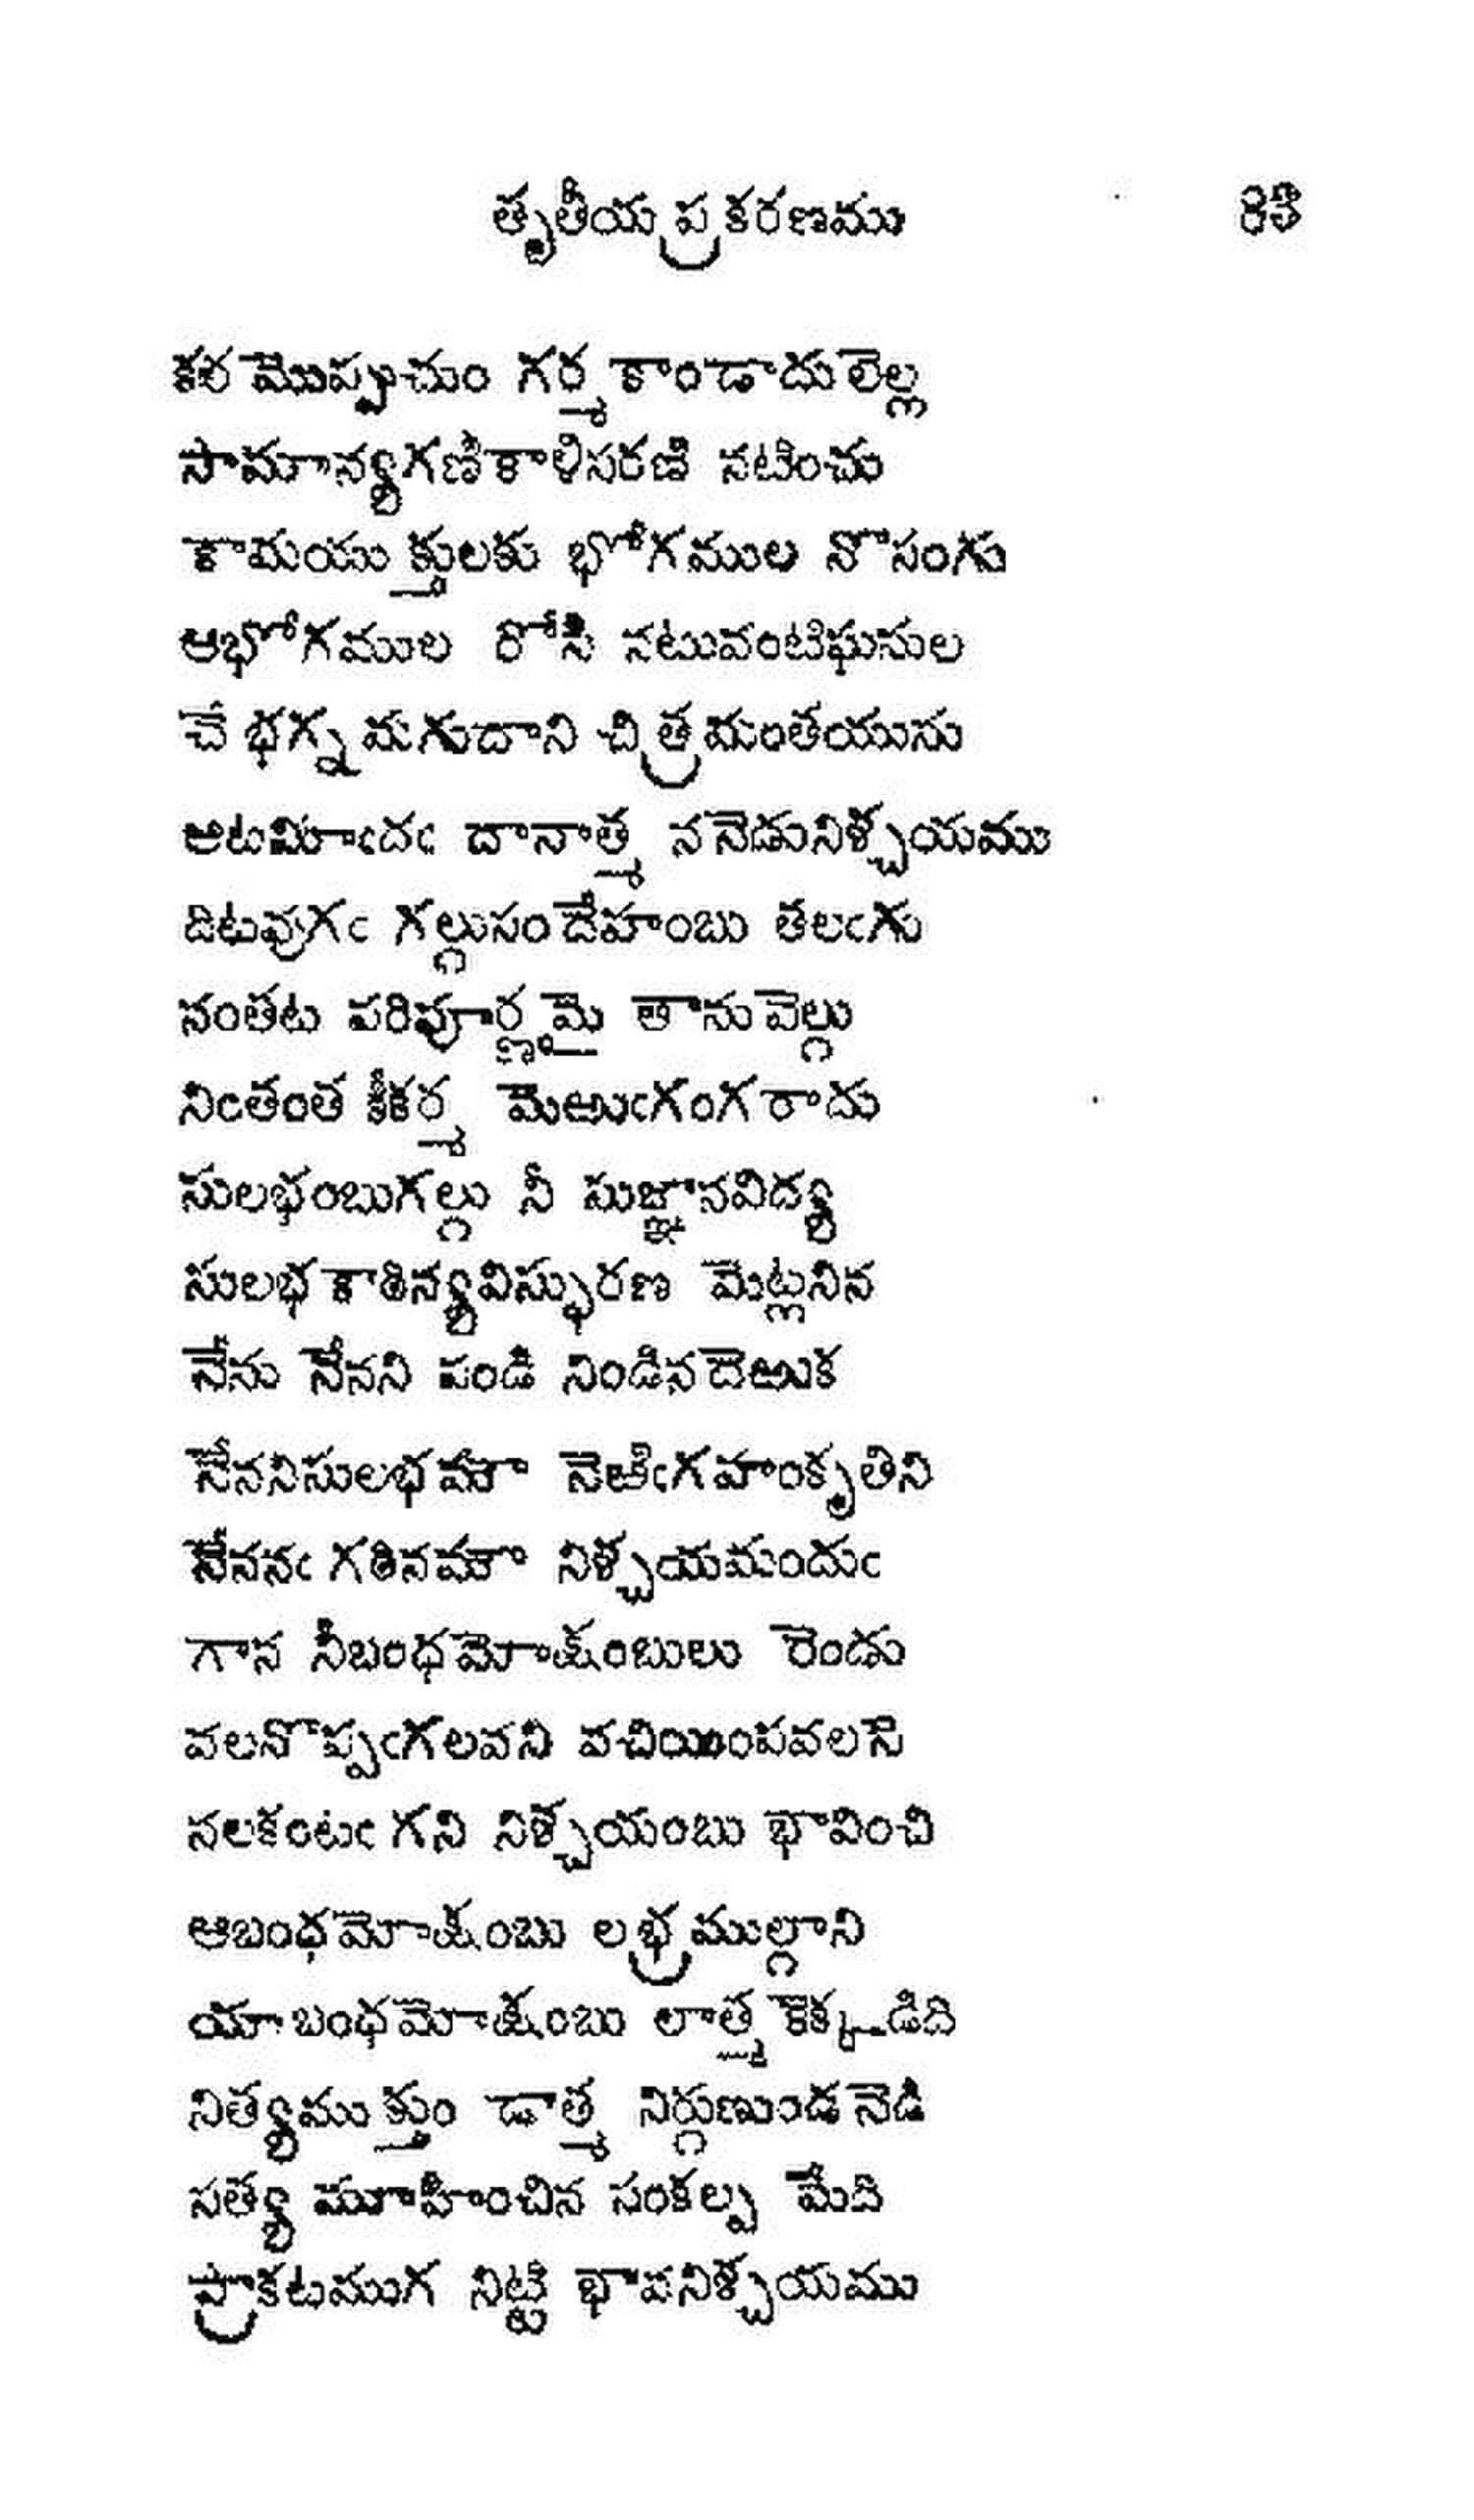కర మొప్పుచుం గర్మకాండాదులెల్ల
సామాన్యగణికాళిసరణి నటించు
కామయుక్తులకు భోగముల నొసంగు
ఆభోగముల రోసి నటువంటిఘనుల
చే భగ్నమగుదాని చిత్రమంతయును
అటమీఁదఁ దానాత్మ ననెడునిశ్చయము
దిటవుగఁ గల్గుసందేహంబు తలఁగు
నంతట పరిపూర్ణమై తానువెల్గు 
నింతంత కీకర్మ మెఱుఁగంగరాదు
సులభంబుగల్గు నీ సుజ్ఞానవిద్య
సులభకాఠిన్యవిస్ఫురణ మెట్లనిన
నేను నేనని పండి నిండినదెఱుక
నేనని సులభమౌ నెఱిఁగహంకృతిని
నేననఁ గఠినమౌ నిశ్చయమందుఁ
గాన నీబంధమోక్షంబులు రెండు
వలనొప్పఁగలవని వచియింపవలసె
నలకంటఁగని నిశ్చయంబు భావించి
ఆబంధమోక్షంబు లభ్రముల్గాని
యాబంధమోక్షంబు లాత్మకెక్కడిది
నిత్యముక్తుం డాత్మ నిర్గుణుండనెడి
సత్య మూహించిన సంకల్ప మేది
ప్రాకటముగ నిట్టి భావనిశ్చయము